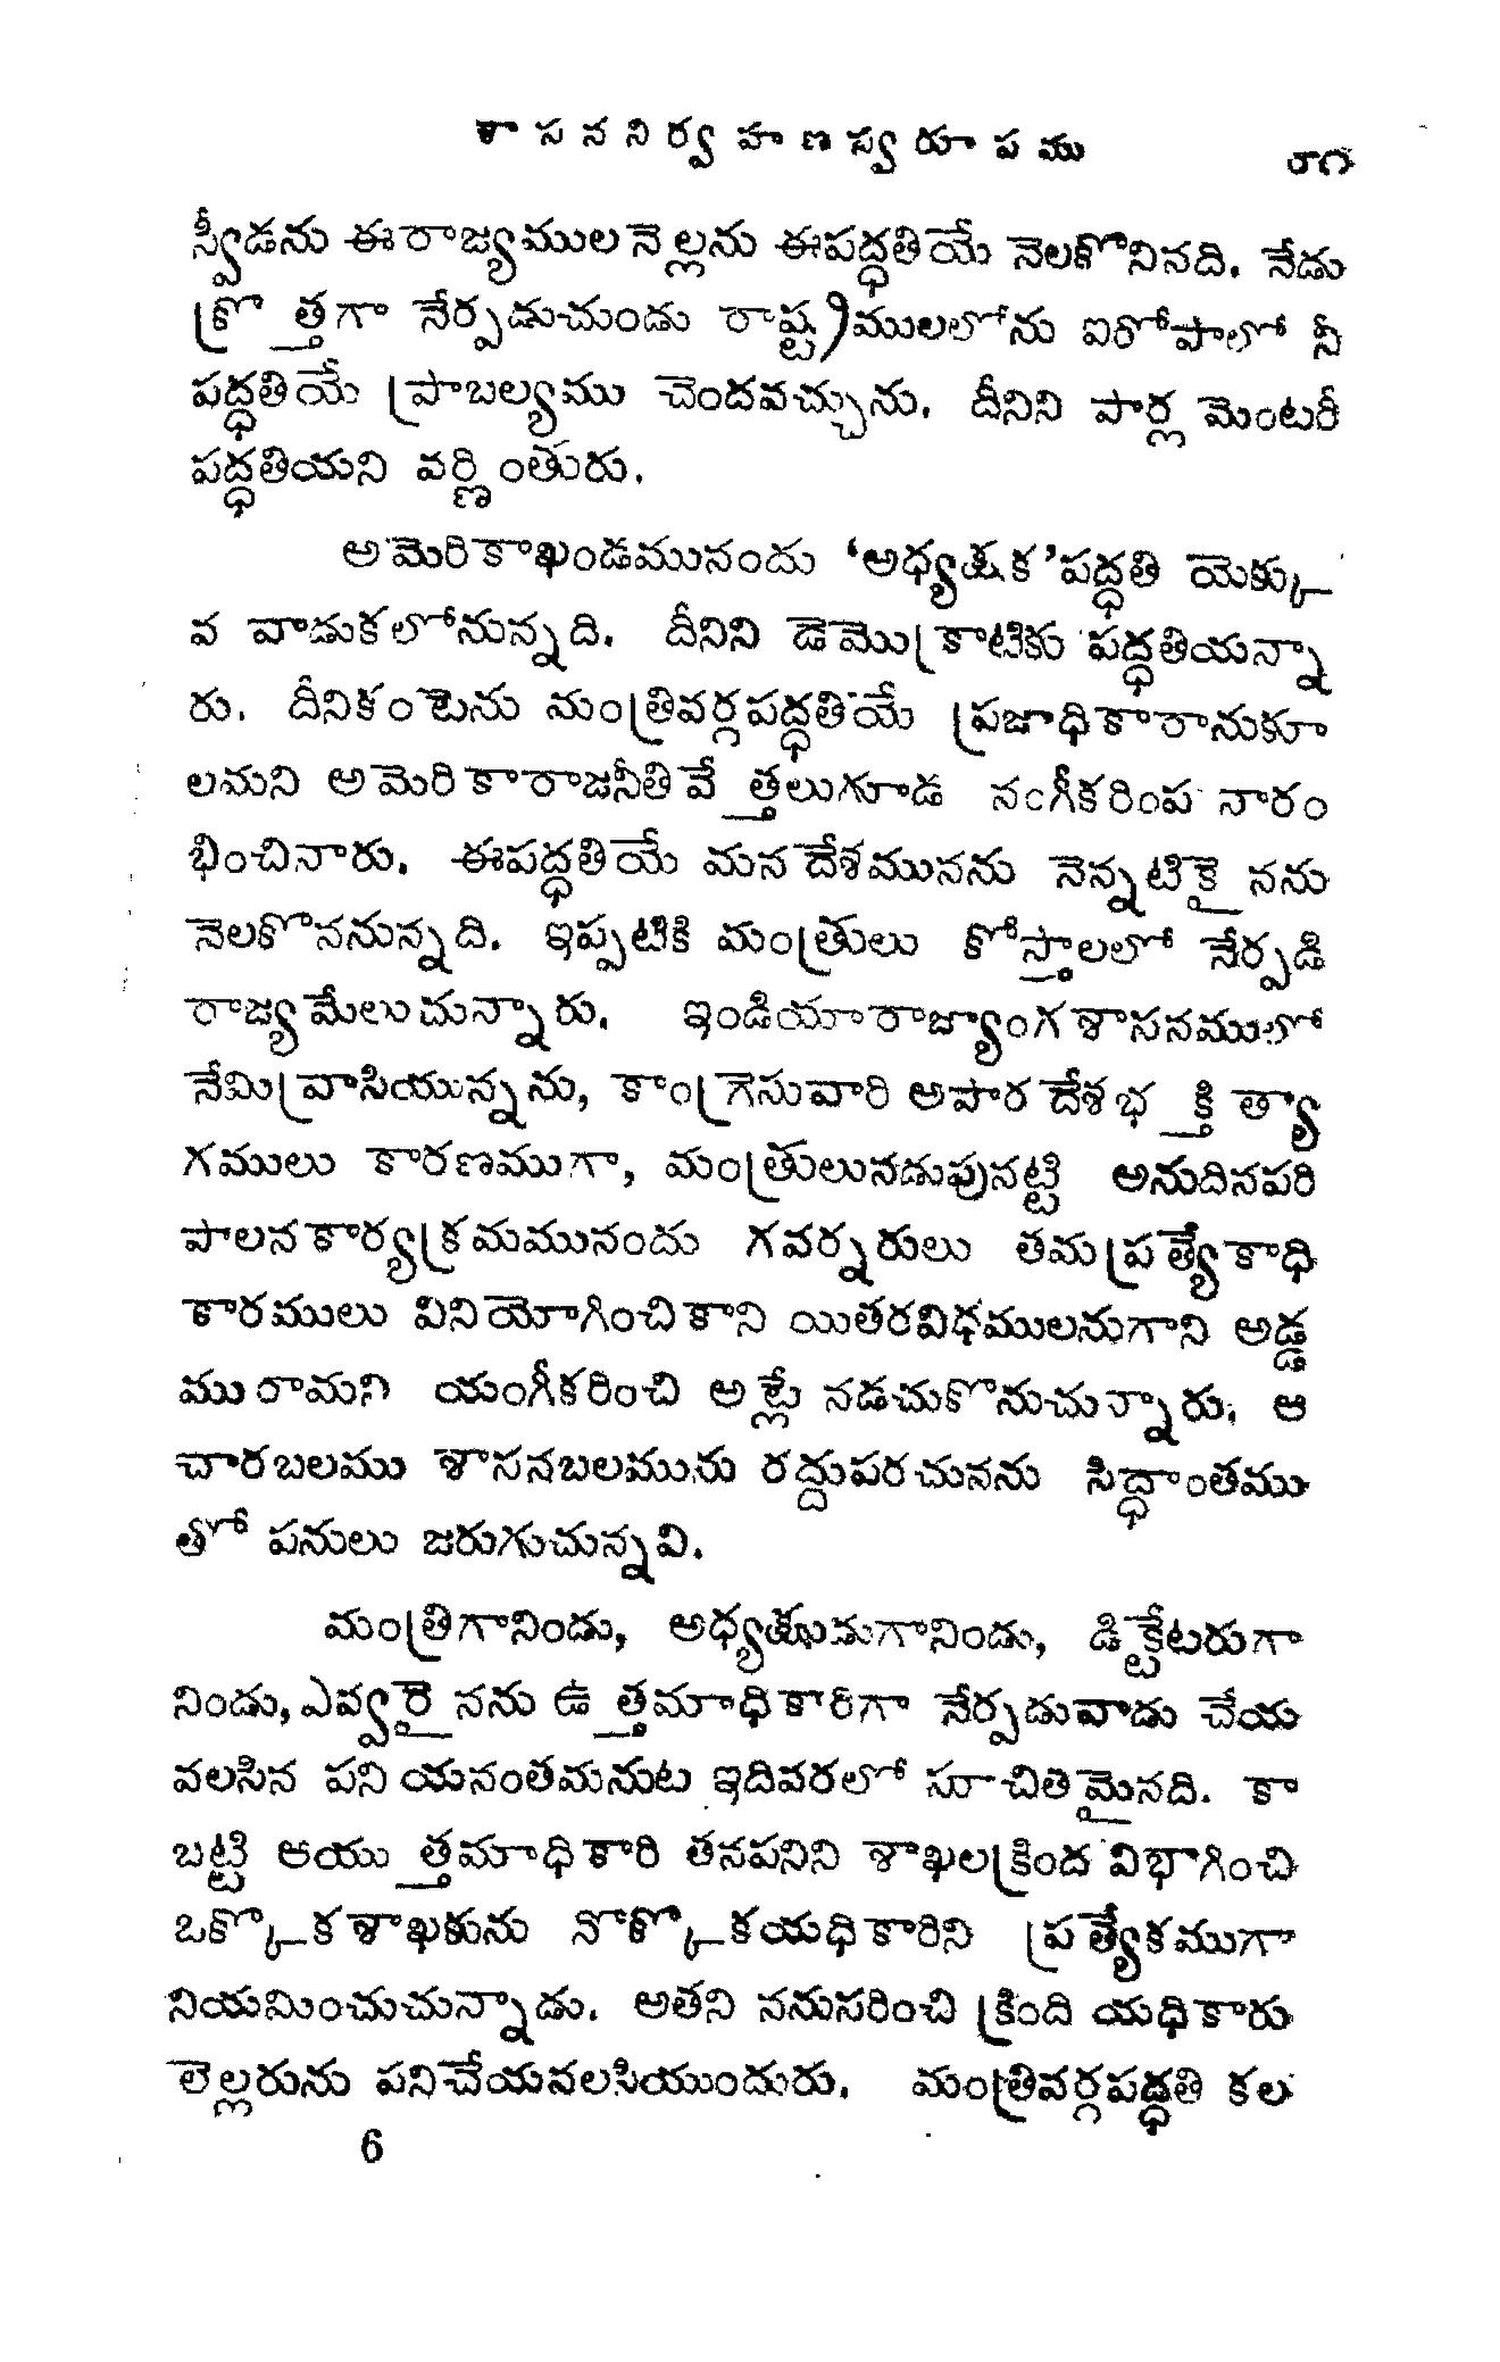స్వీడను ఈరాజ్యములనెల్లను ఈపద్ధతియే నెలకొనినది. నేడు క్రొత్తగా నేర్పడుచుండు రాష్ట్రములలోను ఐరోపాలో నీపద్ధతియే ప్రాబల్యము చెందవచ్చును. దీనిని పార్లమెంటరీ పద్ధతియని వర్ణింతురు.

అమెరికాఖండమునందు 'అధ్యక్షక ' పద్ధతి యెక్కువ వాడుకలోనున్నది. దీనిని డెమొక్రాటికు పద్ధతియన్నారు. దీనికంటెను మంత్రివర్గపద్ధతియే ప్రజాధికారానుకూలమని అమెరికారాజనీతి వేత్తలుగూడ నంగీకరింప నారంభించినారు. ఈపద్ధతియే మనదేశమునను నెన్నటికైనను
నెలకొననున్నది. ఇప్పటికి మంత్రులు కోస్త్రాలలో నేర్పడి రాజ్యమేలుచున్నారు. ఇండియారాజ్యాంగ శాసనములో నేమివ్రాసియున్నను, కాంగ్రెసువారి అపార దేశభక్తి త్యాగములు కారణముగా, మంత్రులు నడుపునట్టి అనుదినపరిపాలన కార్యక్రమమునందు గవర్నరులు తమ ప్రత్యేకాధికారములు వినియోగించికాని యితరవిధములనుగాని అడ్డమురామని యంగీకరించి అట్లే నడచుకొనుచున్నారు. ఆచారబలము శాసనబలమును రద్దుపరచునను సిద్ధాంతముతో పనులు జరుగుచున్నవి.

మంత్రిగానిండు, అధ్యక్షుడుగానిండు, డిక్టేటరుగానిండు, ఎవ్వరైనను ఉత్తమాధికారిగా నేర్పడువాడు చేయవలసిన పని యనంతమనుట ఇదివరలో సూచితమైనది. కాబట్టి ఆయుత్తమాధికారి తనపనిని శాఖలక్రింద విభాగించి ఒక్కొకశాఖకును నొక్కొకయధికారిని ప్రత్యేకముగా నియమించుచున్నాడు. అతని ననుసరించి క్రింది యధికారులెల్లరును పనిచేయవలసియుందురు. మంత్రివర్గపద్ధతి కల